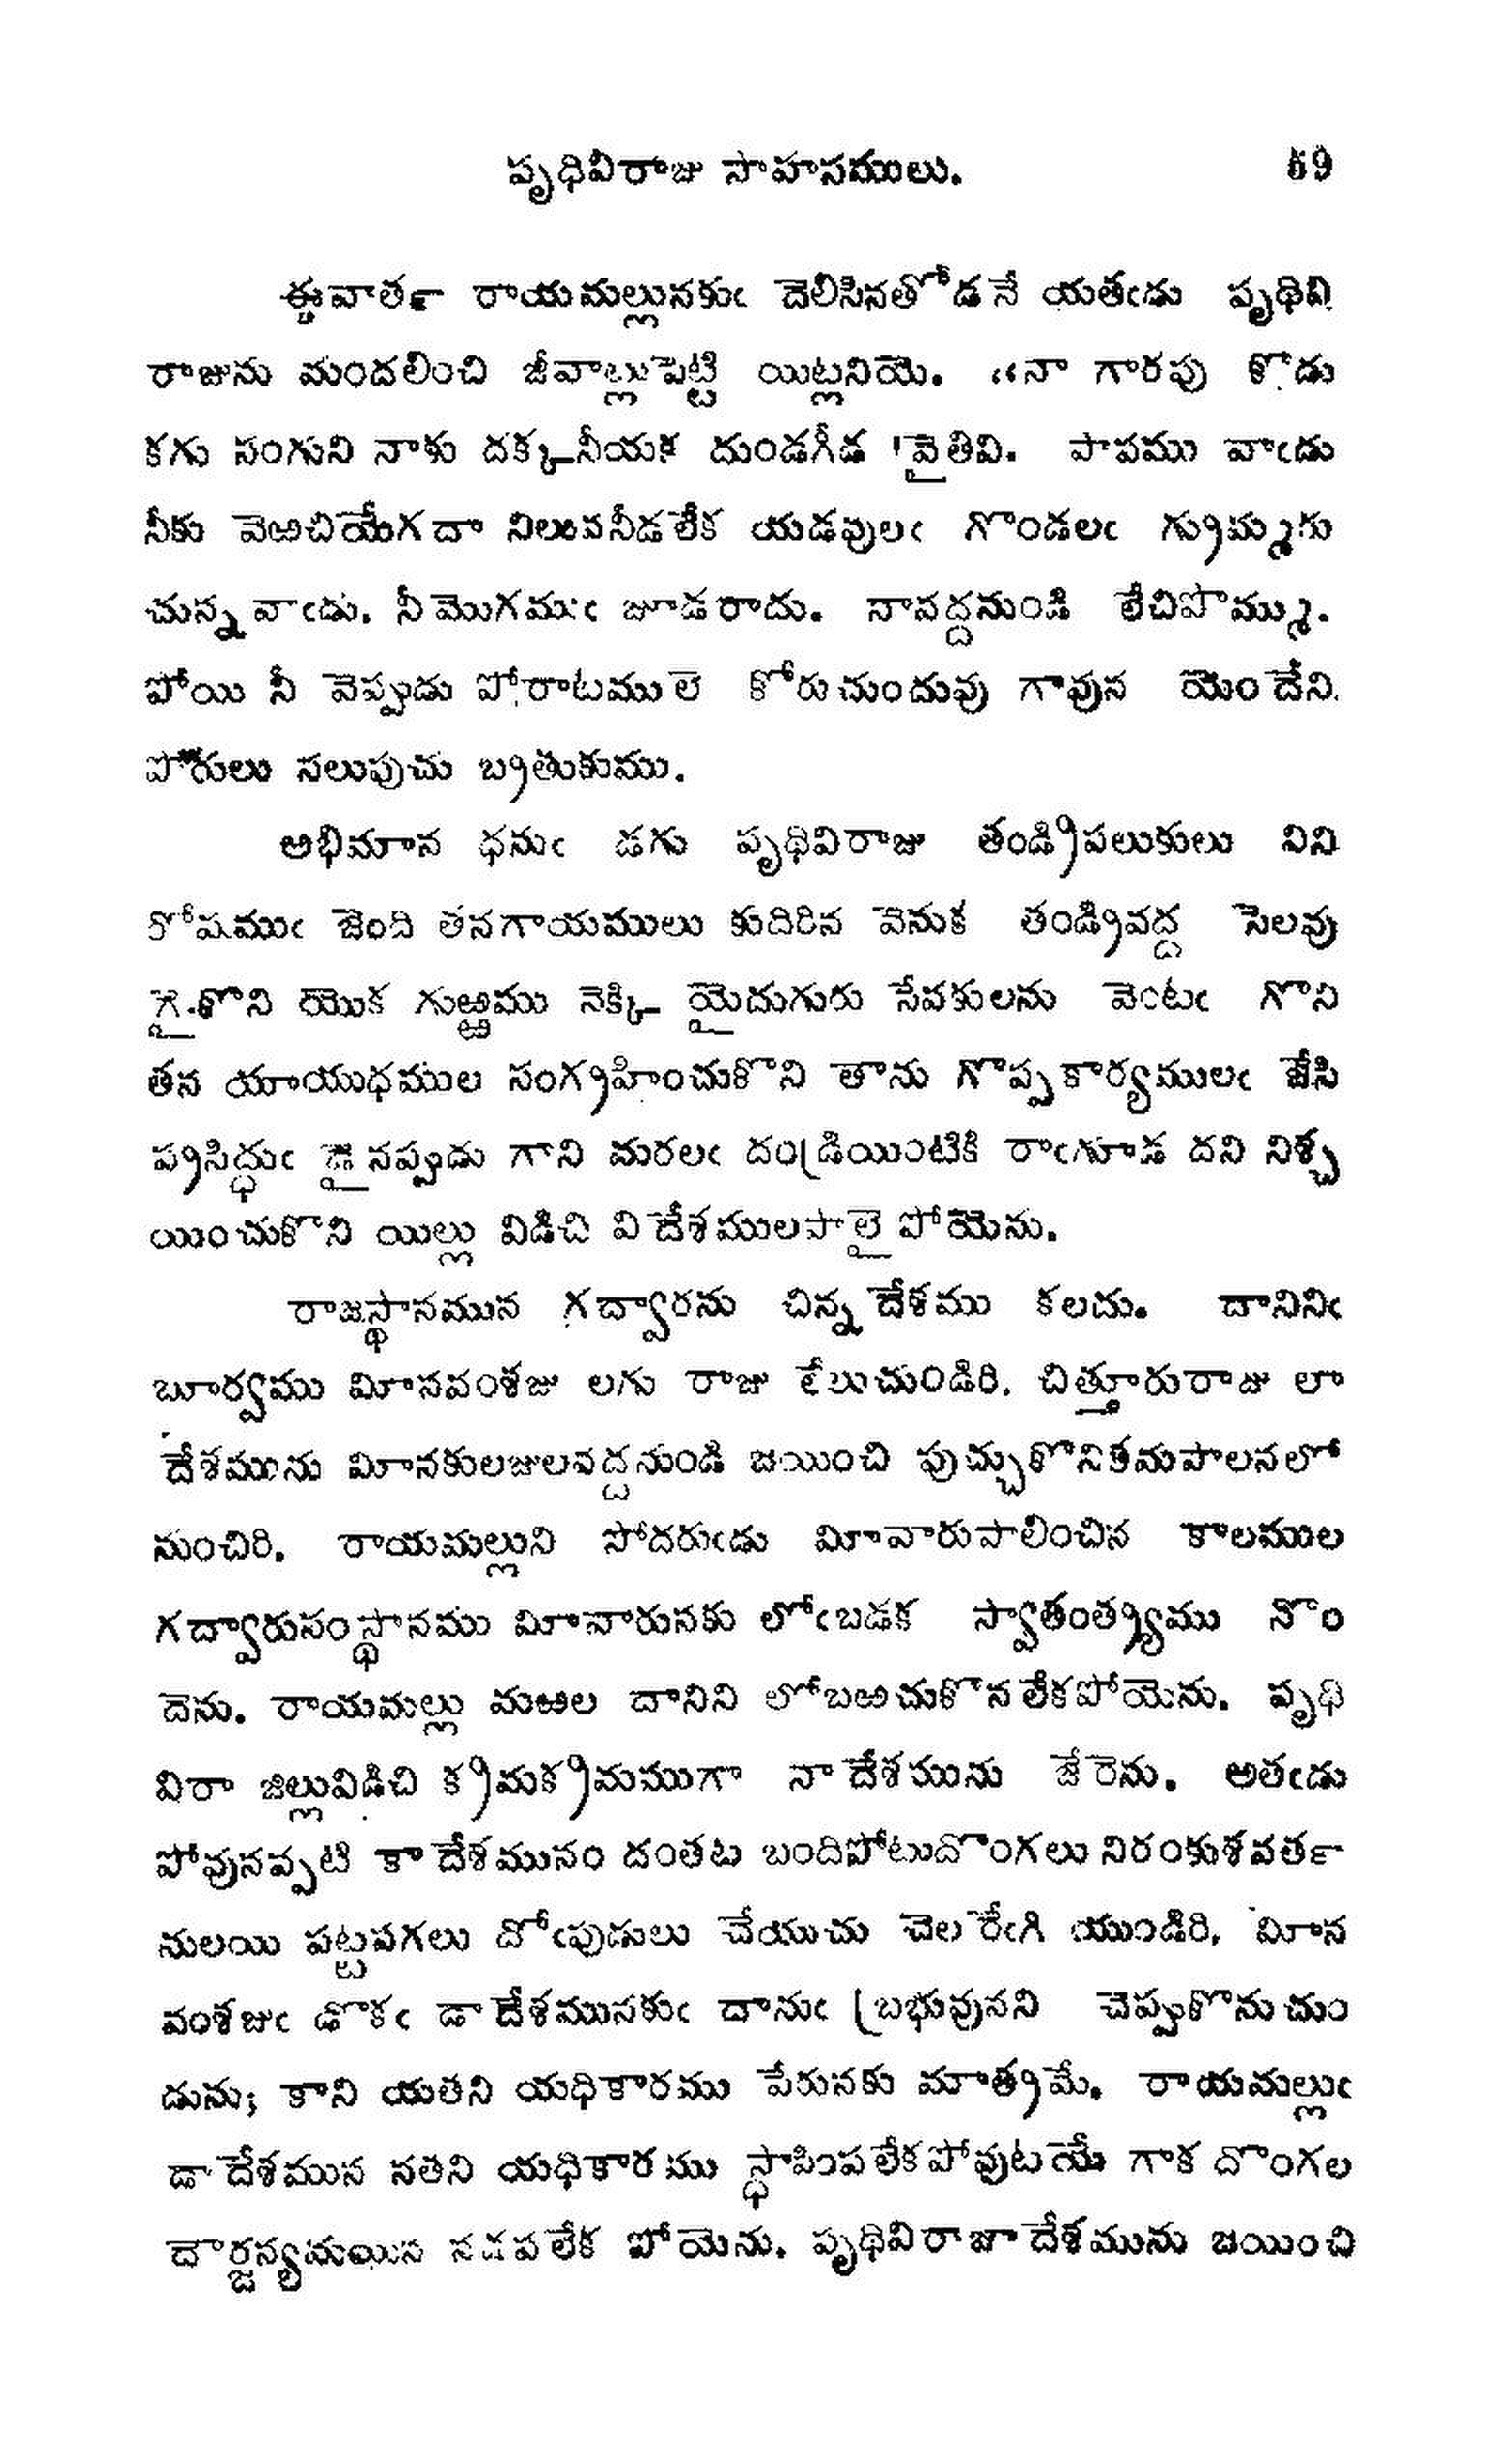ఈవాతం రాయమల్లునకుఁ దెలిసినతోడనే యతఁడు పృథివి రాజును మందలించి జీవాట్లు పెట్టి యిట్లనియె. “నా గారపు కోడుకగు సంగుని నాకు దక్కనీయక దుండగీడ "వైతివి. పాపము వాఁడు నీకు వెఱచియేగదా నిలువనీడ లేక యడవులఁ గొండలఁ గ్రుమ్మరు చున్నవాఁడు. నీ మొగముఁ జూడ రాదు. నావద్దనుండి లేచిపొమ్ము. పోయి నీ వెప్పుడు పోరాటములె కోరుచుందువు గావున యెందేని. పోరులు సలుపుచు బ్రతుకుము.

అభిమాన ధనుఁ డగు పృథివి రాజు తండ్రి పలుకులు విని రోషముఁ జెంది తన గాయములు కుదిరిన వెనుక తండ్రి వద్ద సెలవు
గైకొని యొక గుఱ్ఱము నెక్కి యైదుగురు సేవకులను వెంటఁ గొని తన యాయుధముల సంగ్రహించుకొని తాను గొప్ప కార్యములఁ జేసి
ప్రసిద్ధుఁ డైనప్పుడు గాని మరలఁ దండ్రియింటికి రాఁగూడ దని నిశ్చయించుకొని యిల్లు విడిచి విదేశములపాలై పోయెను.

రాజస్థానమున గద్వారను చిన్న దేశము కలదు. దానినిఁ బూర్వము మీనవంశజులగు రాజు లేలుచుండిరి. చిత్తూరు రాజు లా దేశమును మీనకులజులవద్ద నుండి జయించి పుచ్చుకొని తమపాలనలో నుంచిరి, రాయమల్లుని సోదరుఁడు మీవారు పాలించిన కాలముల
గద్వారుసంస్థానము మీవారునకు లోఁబడక స్వాతంత్యము నొందెను. రాయమల్లు మఱల దానిని లోబఱచుకొన లేక పోయెను. పృథివి రాజిల్లు విడిచి క్రమక్రమముగా నా దేశమును జేరెను. అతఁడు పోవునప్పటి కాదేశమునం దంతట బందిపోటు దొంగలు నిరంకుశవత౯ నులయి పట్టపగలు దోఁపుడులు చేయుచు చెల రేఁగి యుండిరి, 'మీనవంశజుఁ డొకఁ డా దేశమునకుఁ దానుఁ బ్రభువునని చెప్పుకొనుచుండును; కాని యతని యధికారము పేరునకు మాత్రమే. రాయమల్లుఁడా దేశమున నతని యధికారము స్థాపింపలేక పోవుటయే గాక దొంగల
దౌర్జన్యమయిన నడప లేక పోయెను. పృథివిరాజా దేశమును జయించి